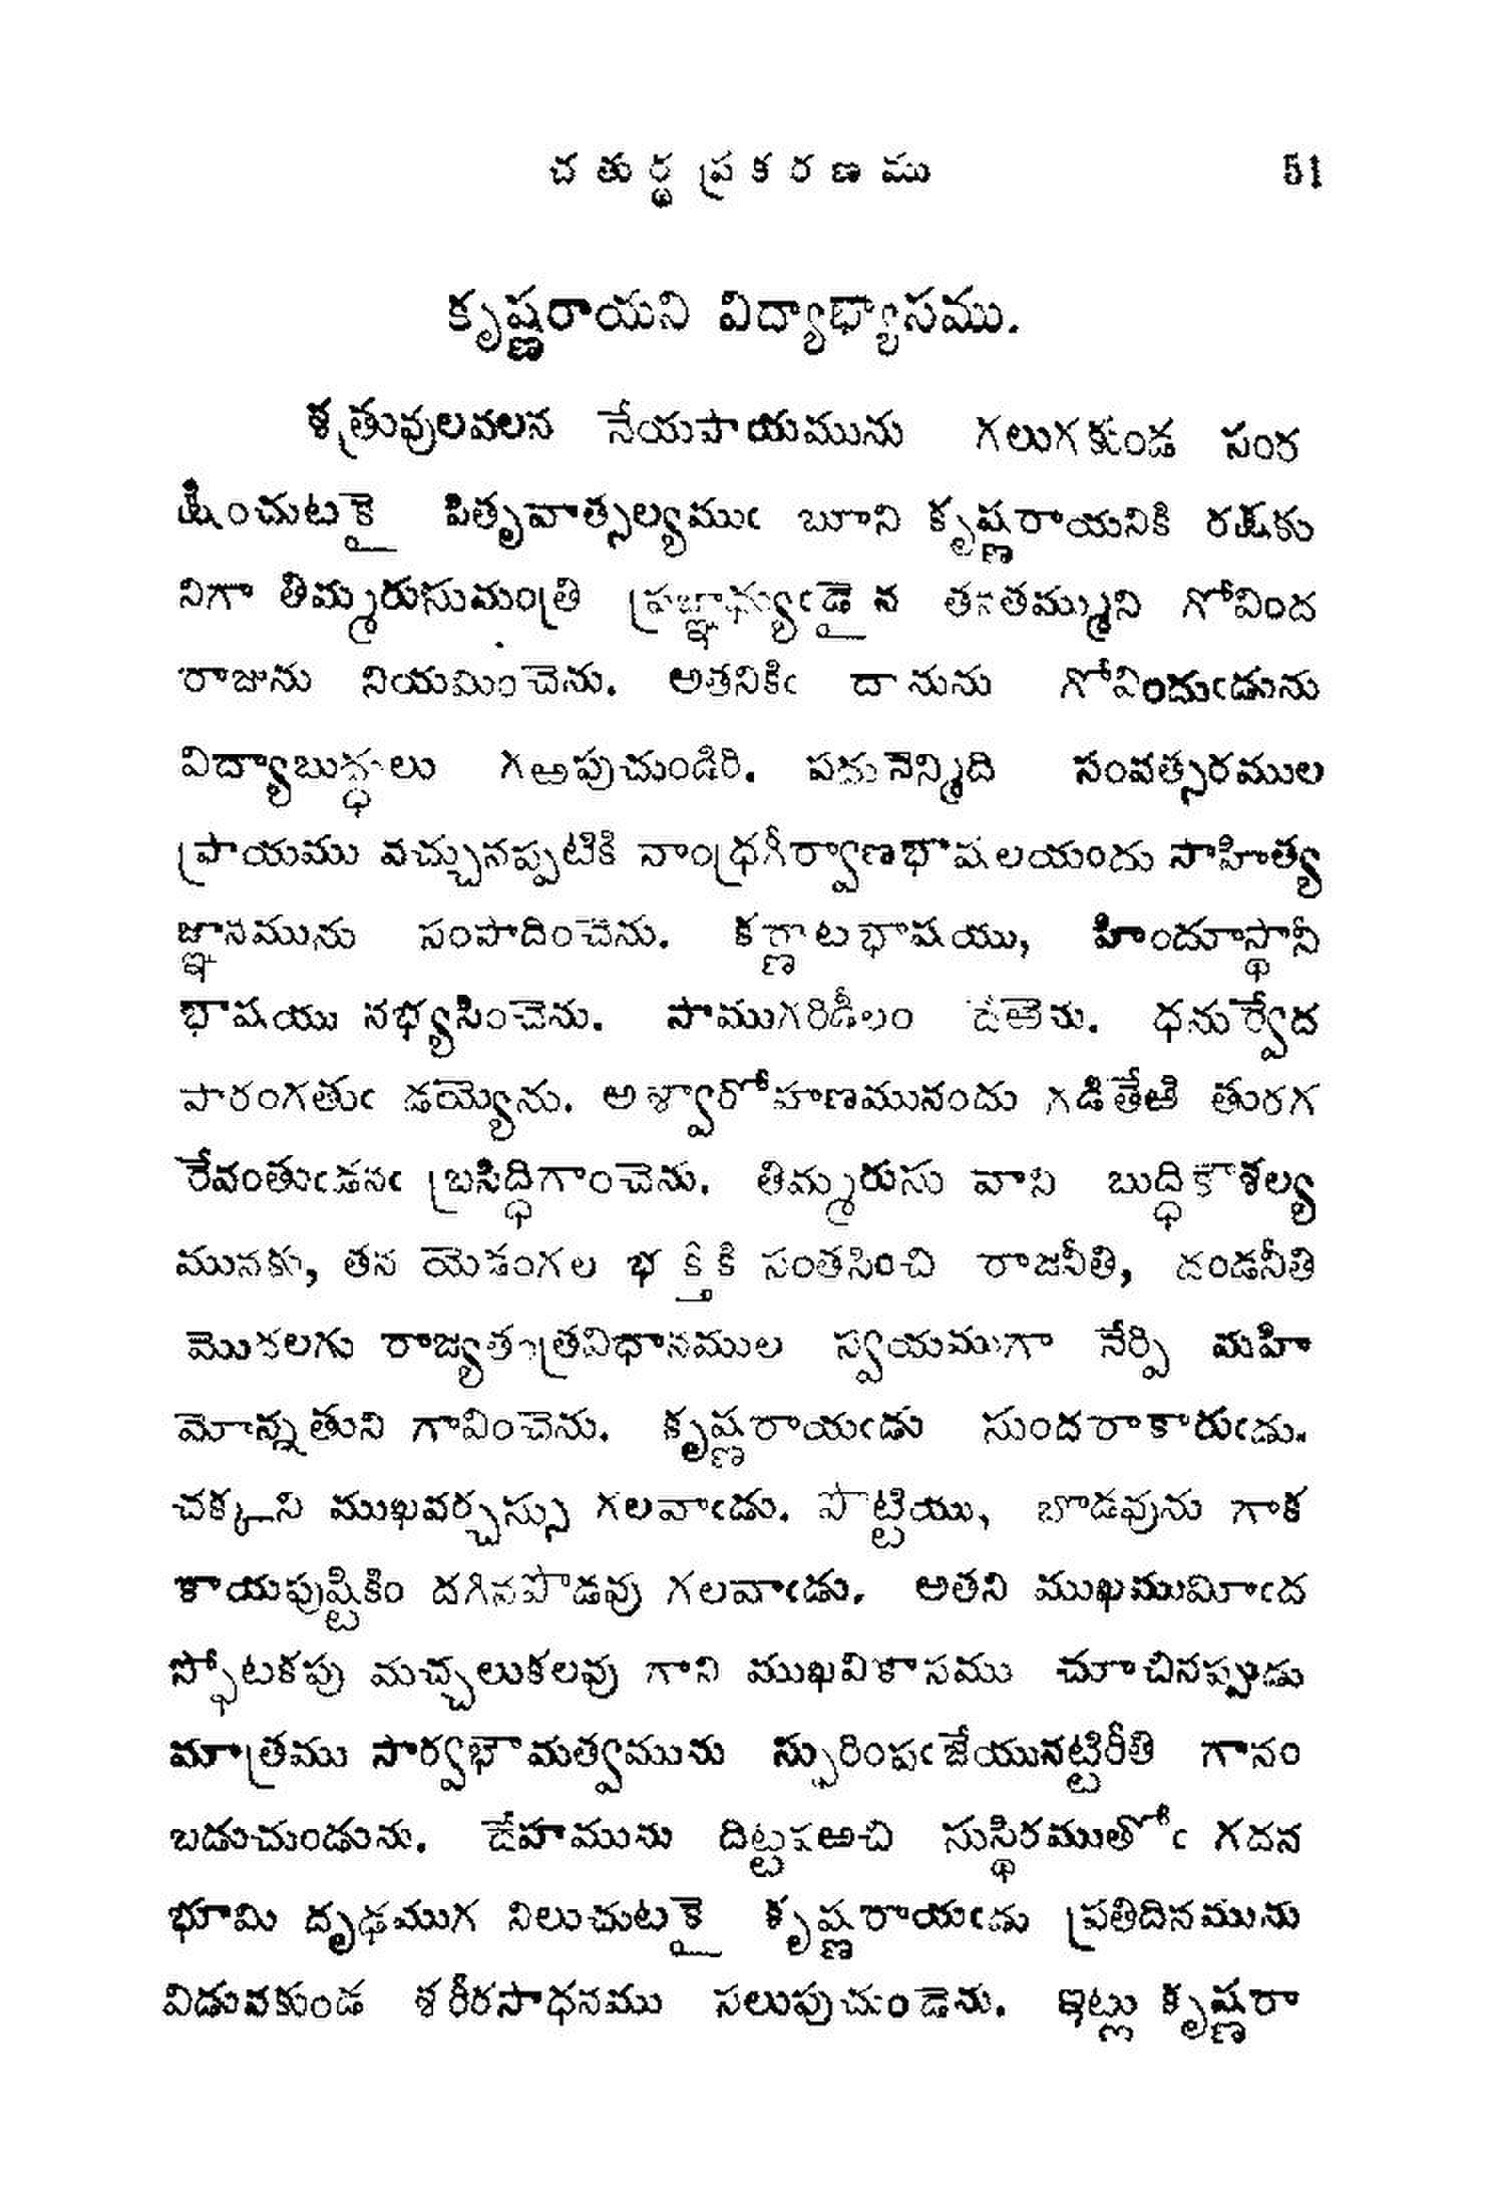కృష్ణరాయని విద్యాభ్యాసము. 

శత్రువులవలన నేయపాయమును గలుగకుండ సంరక్షించుటకై పితృవాత్సల్యముఁ బూని కృష్ణరాయనికి రక్షకునిగా తిమ్మరుసుమంత్రి ప్రజ్ఞాధ్యుఁడైన తనతమ్ముని గోవిందరాజును నియమించెను. అతనికిఁ దానును గోవిందుఁడును విద్యాబుద్ధులు గఱపుచుండిరి. పదునెన్మిది సంవత్సరముల ప్రాయము వచ్చునప్పటికి నాంధ్రగీర్వాణభాషలయందు సాహిత్య జ్ఞానమును సంపాదించెను. కర్ణాటభాషయు, హిందూస్థానీభాషయు నభ్యసించెను. సాముగరిడీలం దేఱెను. ధనుర్వేద పారంగతుఁ డయ్యెను. అశ్వారోహణమునందు గడితేఱి తురగ రేవంతుఁడనఁ బ్రసిద్ధిగాంచెను. తిమ్మరుసు వాని బుద్ధికౌశల్యమునకు, తన యెడంగల భక్తికి సంతసించి రాజనీతి, దండనీతి మొదలగు రాజ్యతంత్రవిధానముల స్వయముగా నేర్పి మహిమోన్నతుని గావించెను. కృష్ణరాయఁడు సుందరాకారుఁడు. చక్కని ముఖవర్చస్సు గలవాడు. పొట్టియు, బొడవును గాక కాయపుష్టికిం దగినపొడవు గలవాడు. అతని ముఖముమీఁద స్ఫోటకపు మచ్చలుకలవు గాని ముఖవికాసము చూచినప్పుడు మాత్రము సార్వభౌమత్వమును స్ఫురింపఁ జేయునట్టిరీతి గానం బడుచుండును. దేహమును దిట్టపఱచి సుస్థిరముతోఁ గదన భూమి దృఢముగ నిలుచుటకై కృష్ణరాయఁడు ప్రతిదినమును విడువకుండ శరీరసాధనము సలుపుచుండెను. ఇట్లు కృష్ణరా